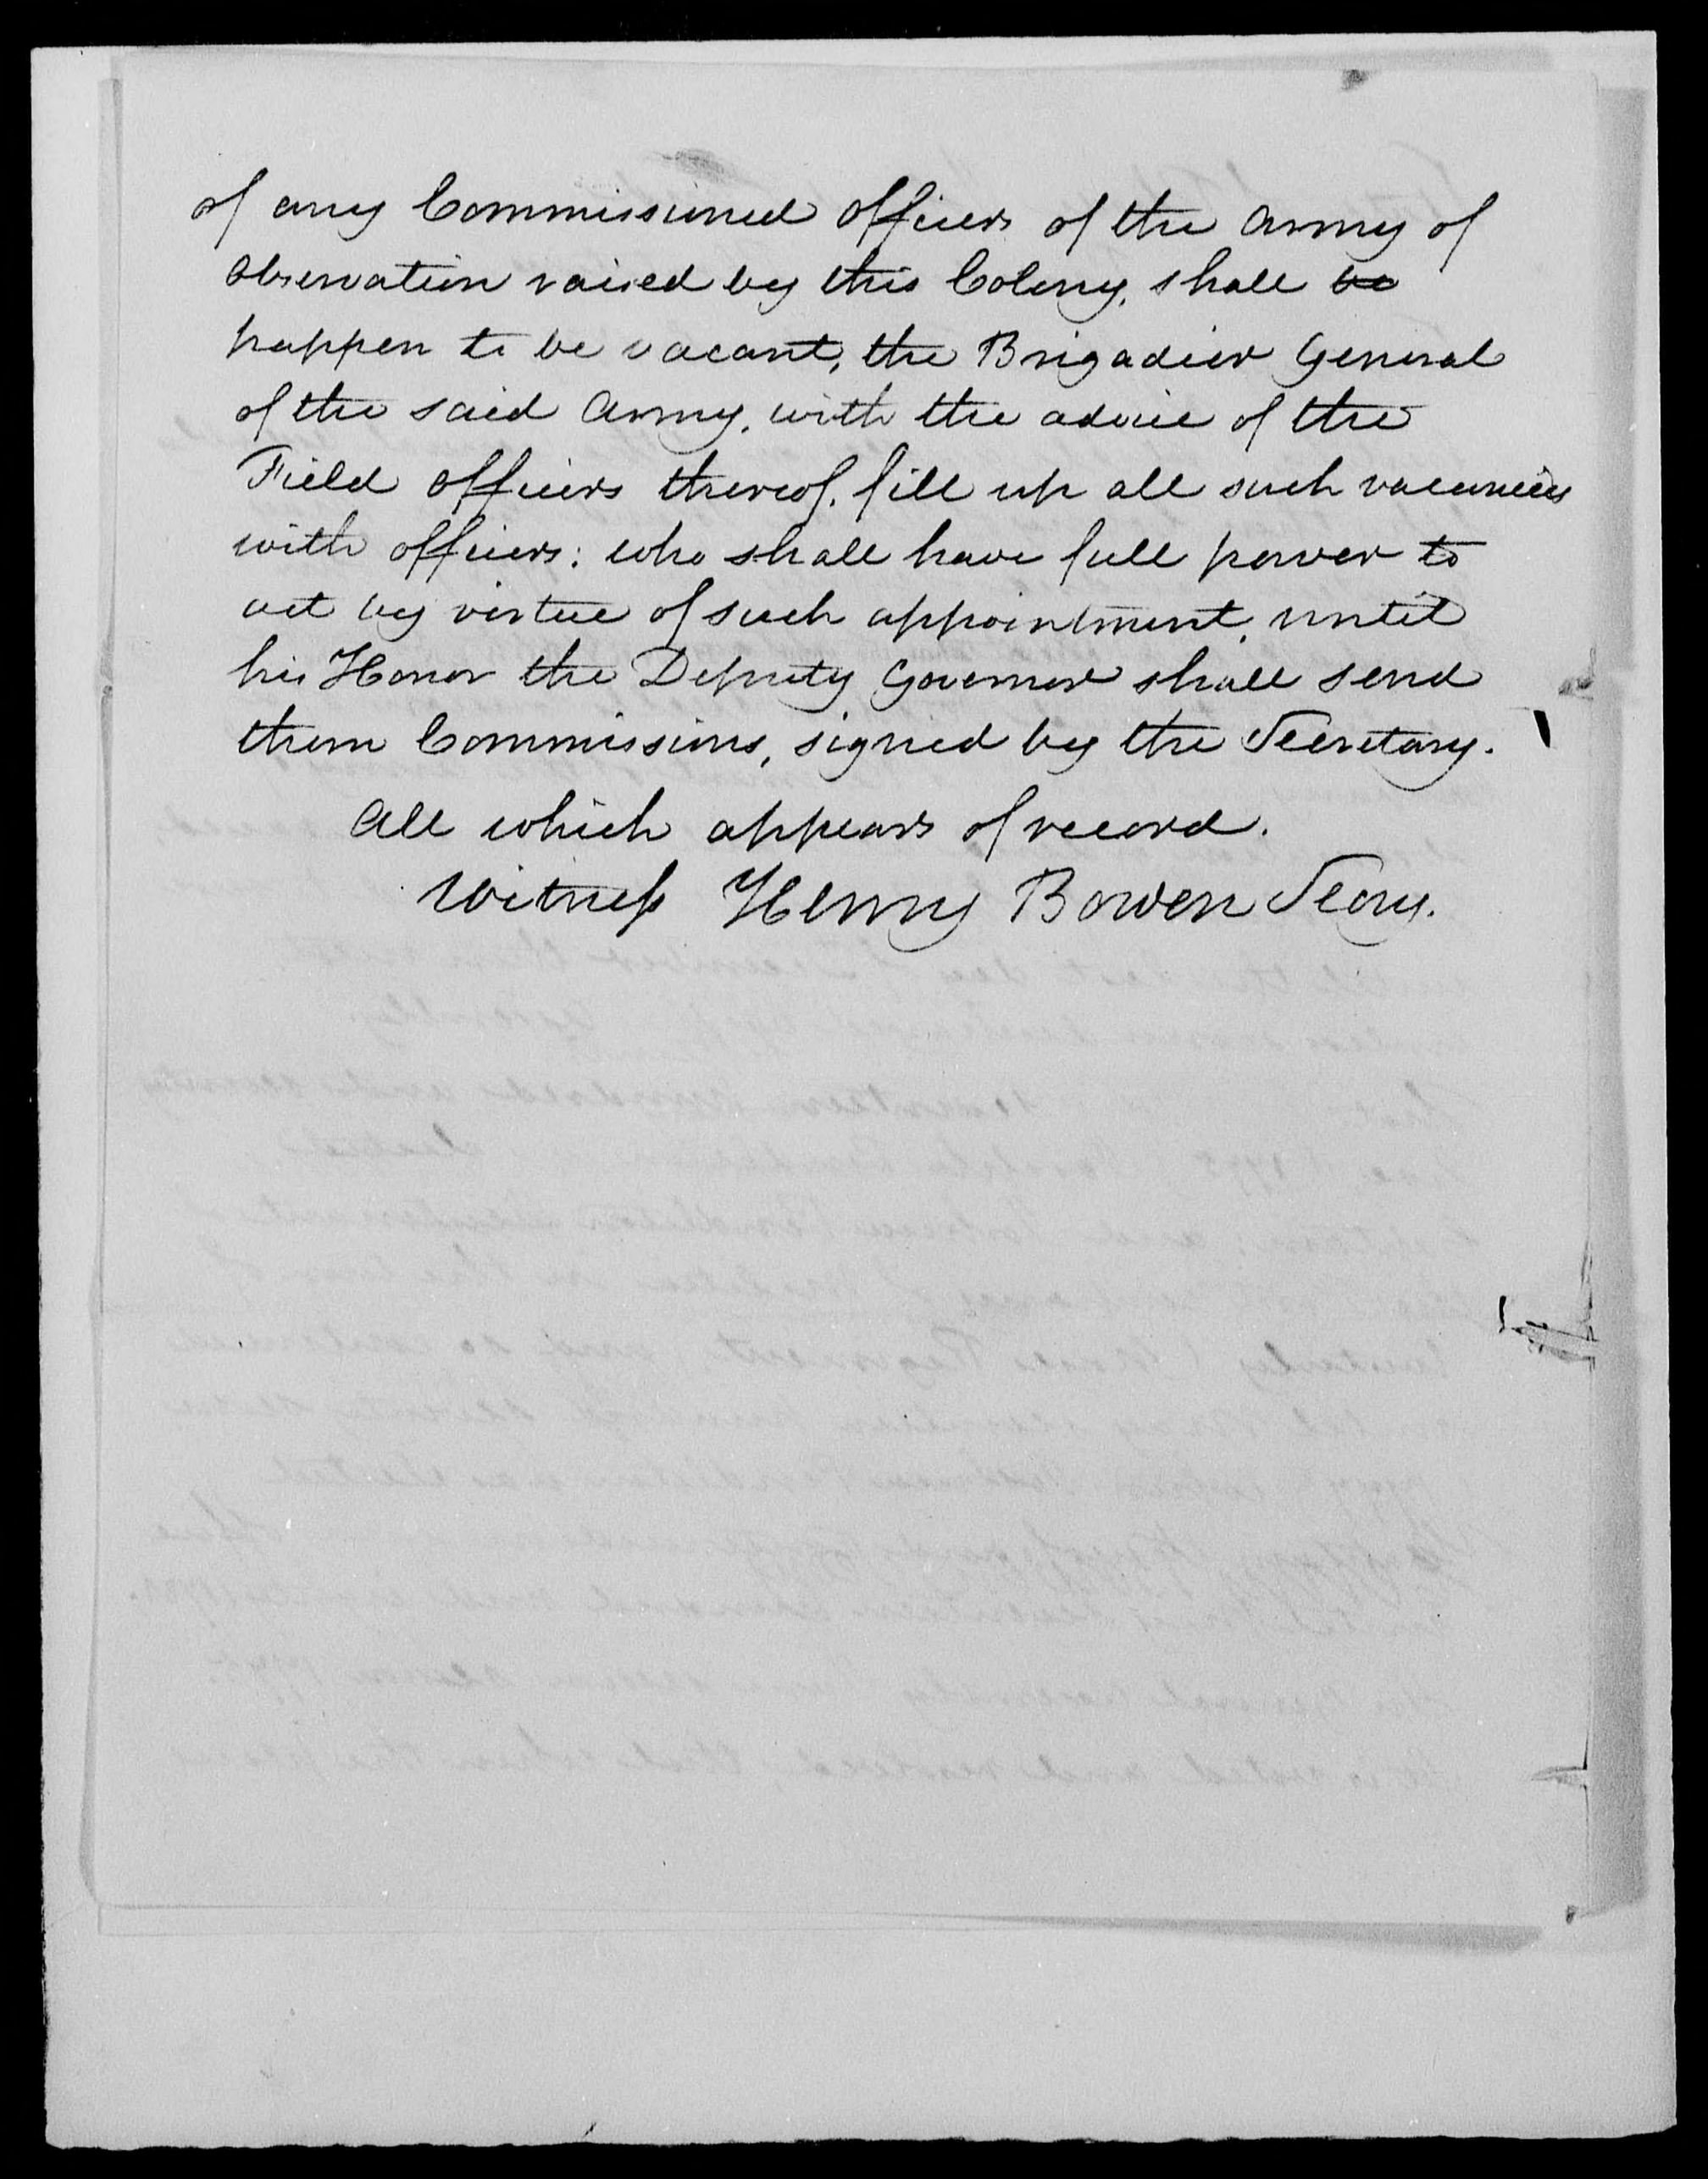of any Commissioned Officers of the army of observation raised by this colony, shall happen to be vacant, the Brigadier General of the said army, with the advice of the Field officers thereof, fill up all such vacancies with officers; who shall have full power to act by virtue of such appointment, until his Honor the Deputy Governor shall send them commissions, signed by the Secretary.
All which appears of record.
Witness Henry Bowen Secry.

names: Henry Bowen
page: 35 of 48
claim: widow's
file: W. 17,628, Arnold Clarke, R.I.